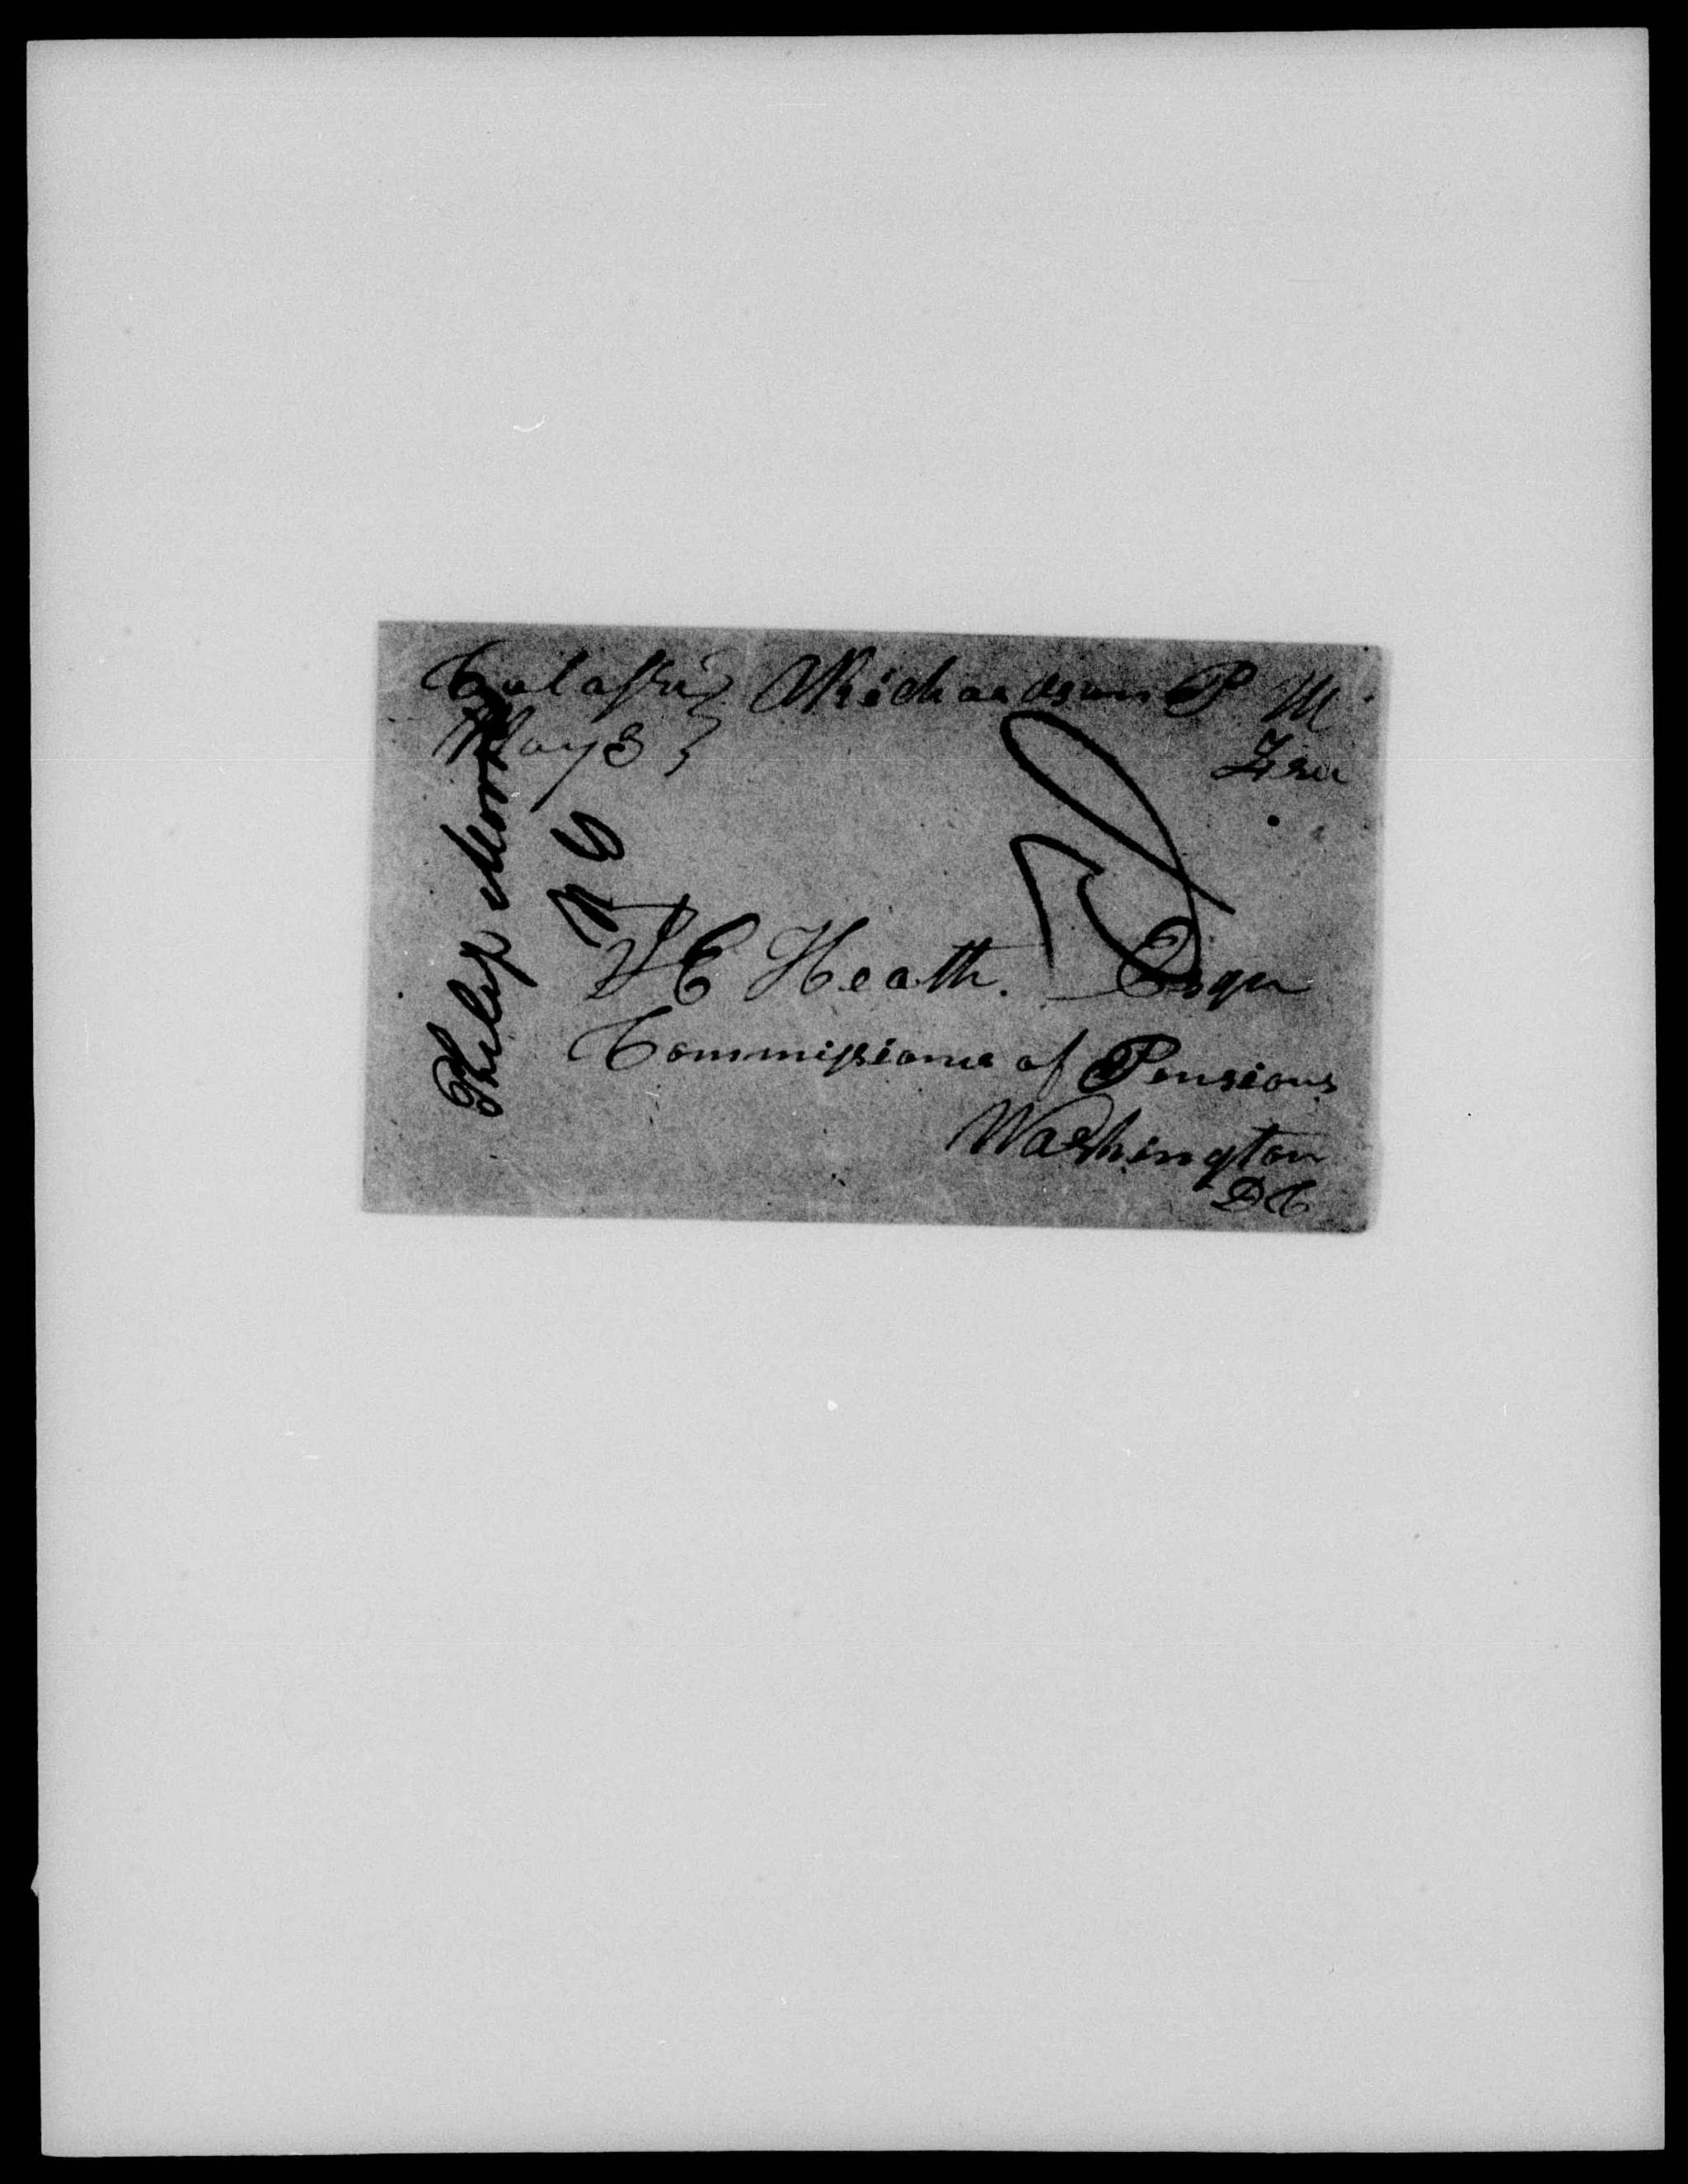J. E. Heath, Esqr
Commissioner of Pensions
Washington D. C.

Philip Morris
NY
Calafre  [illegible]  P. M.
May 3                       Free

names: J E Heath; Philip Morris; A Richardson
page: 20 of 44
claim: survivor's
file: S. 28,815, for Philip Morris, Rhode Island